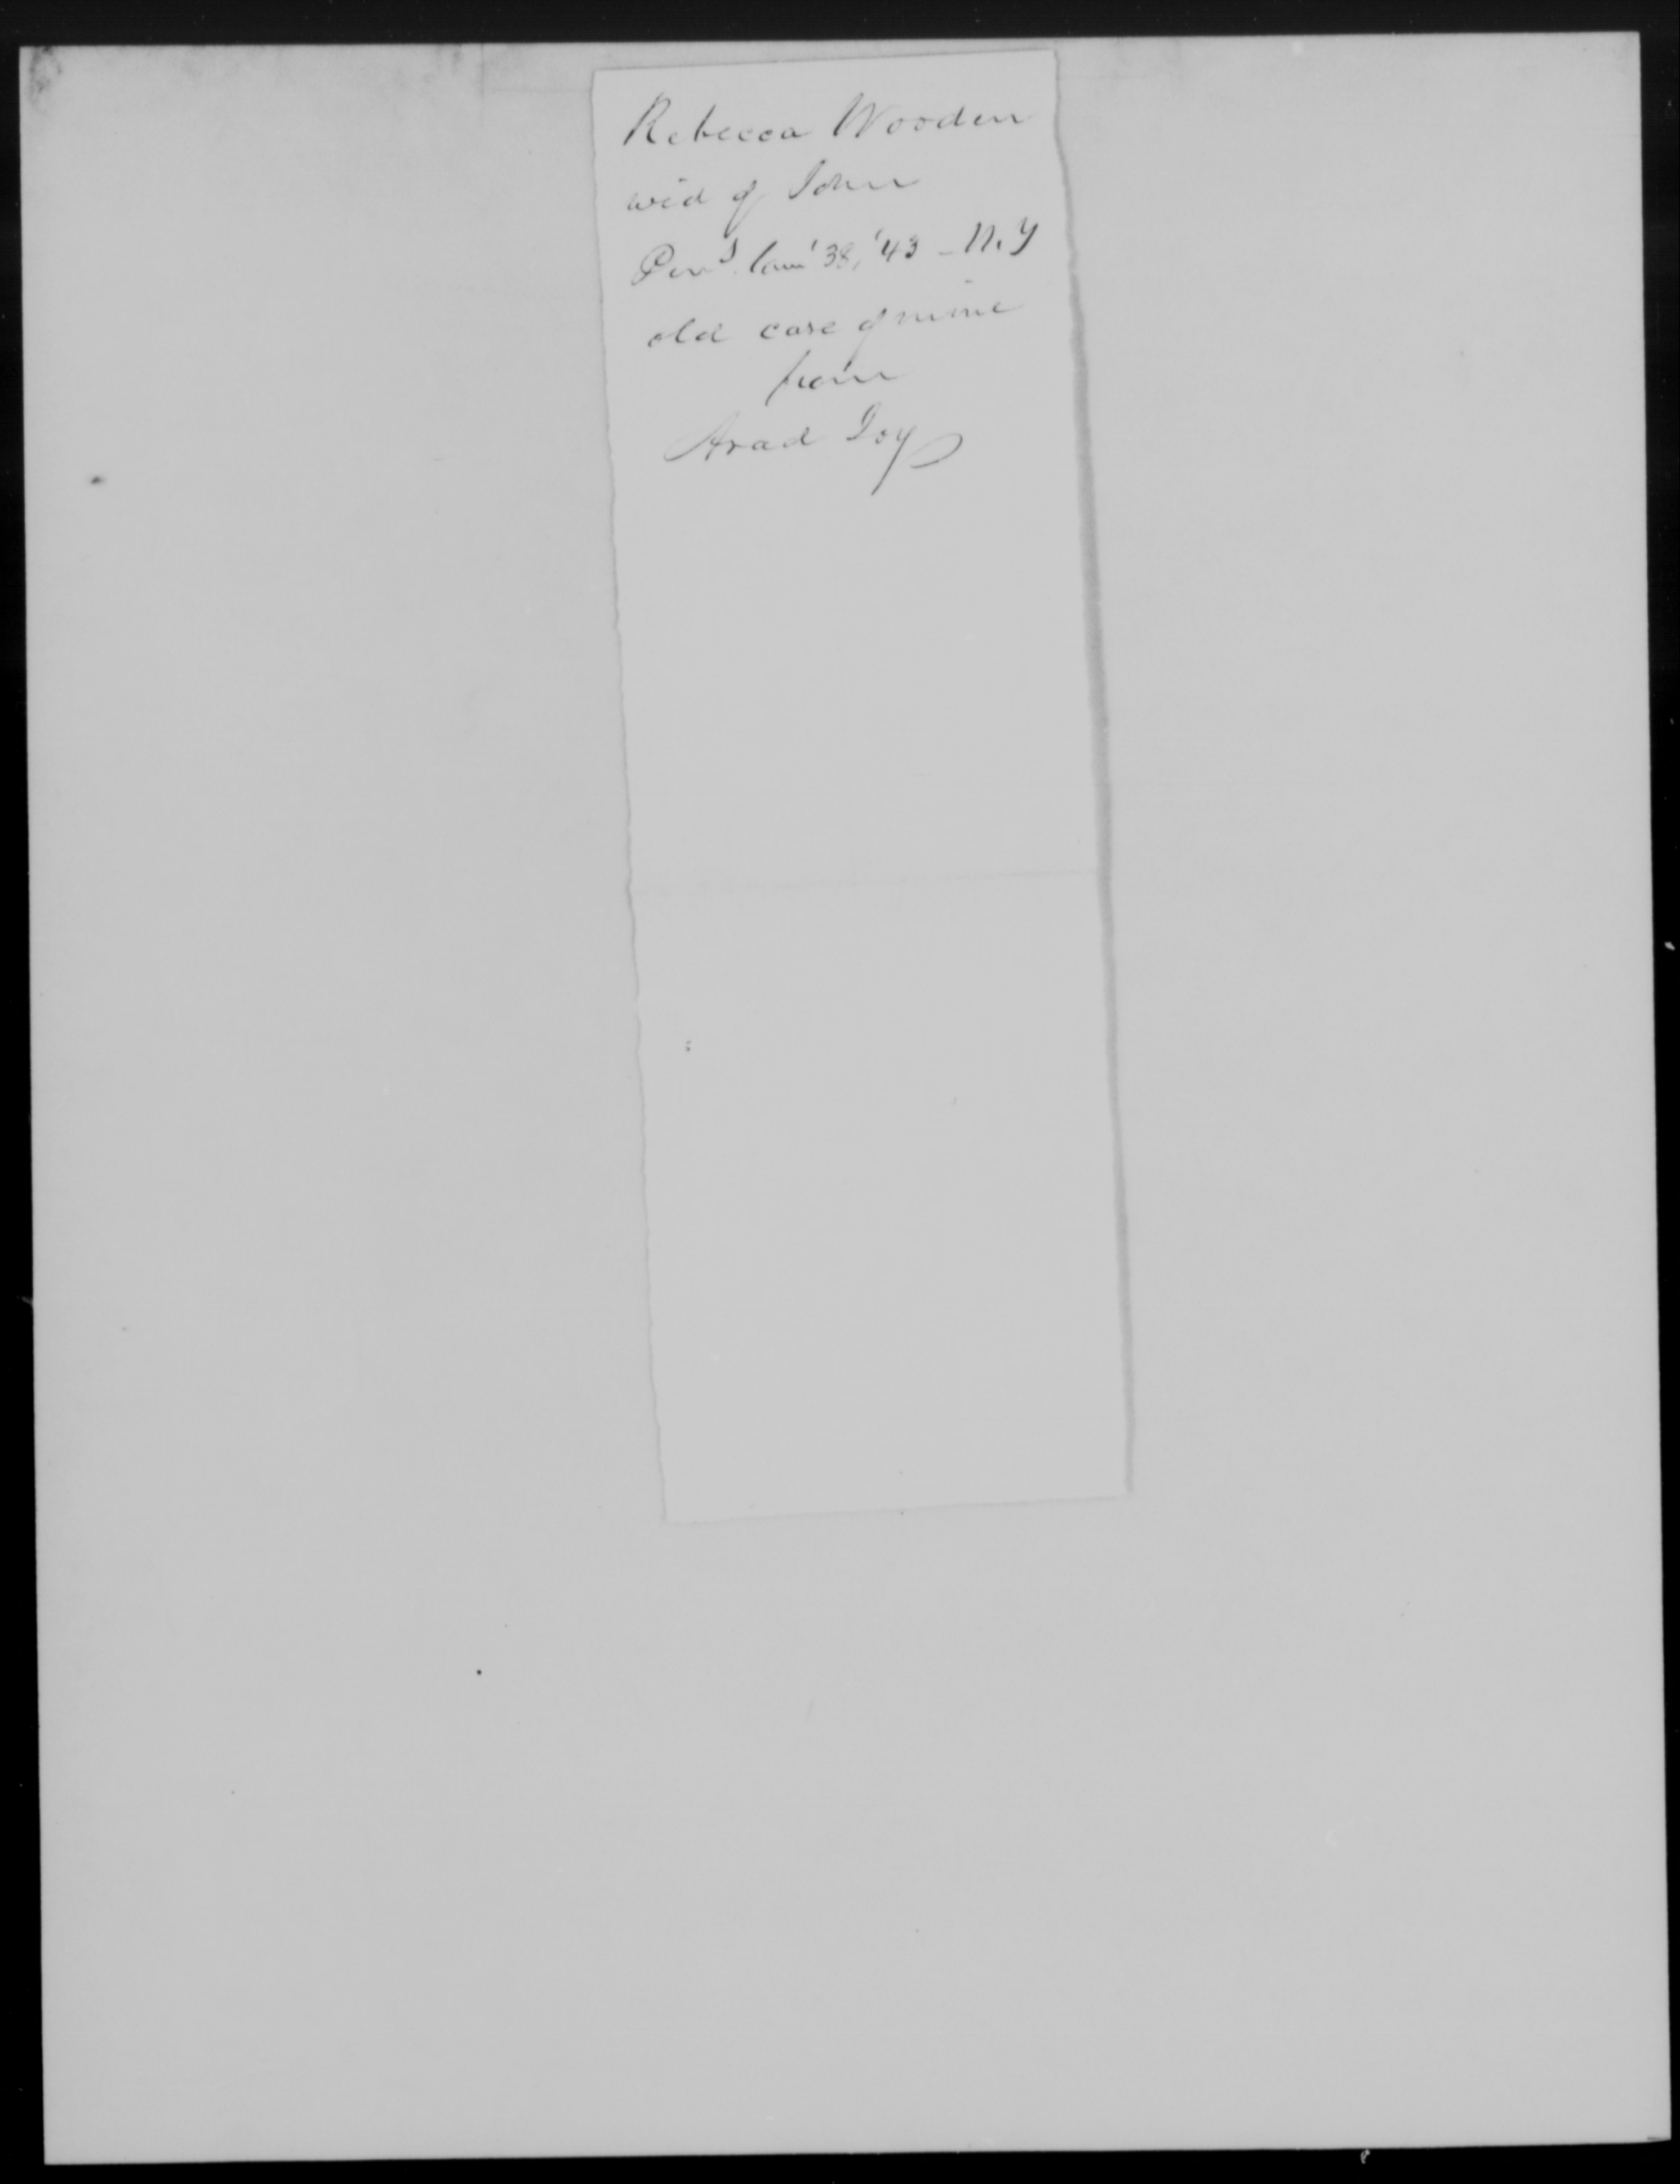Rebecca Woodin
wid of John
Perl [illegible] '38, '43 N.Y
old case of mine
from
Arad Joy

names: John Wooden, Rebecca Wooden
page: 56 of 77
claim: widow's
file: W. 19658, John Woodin, New York